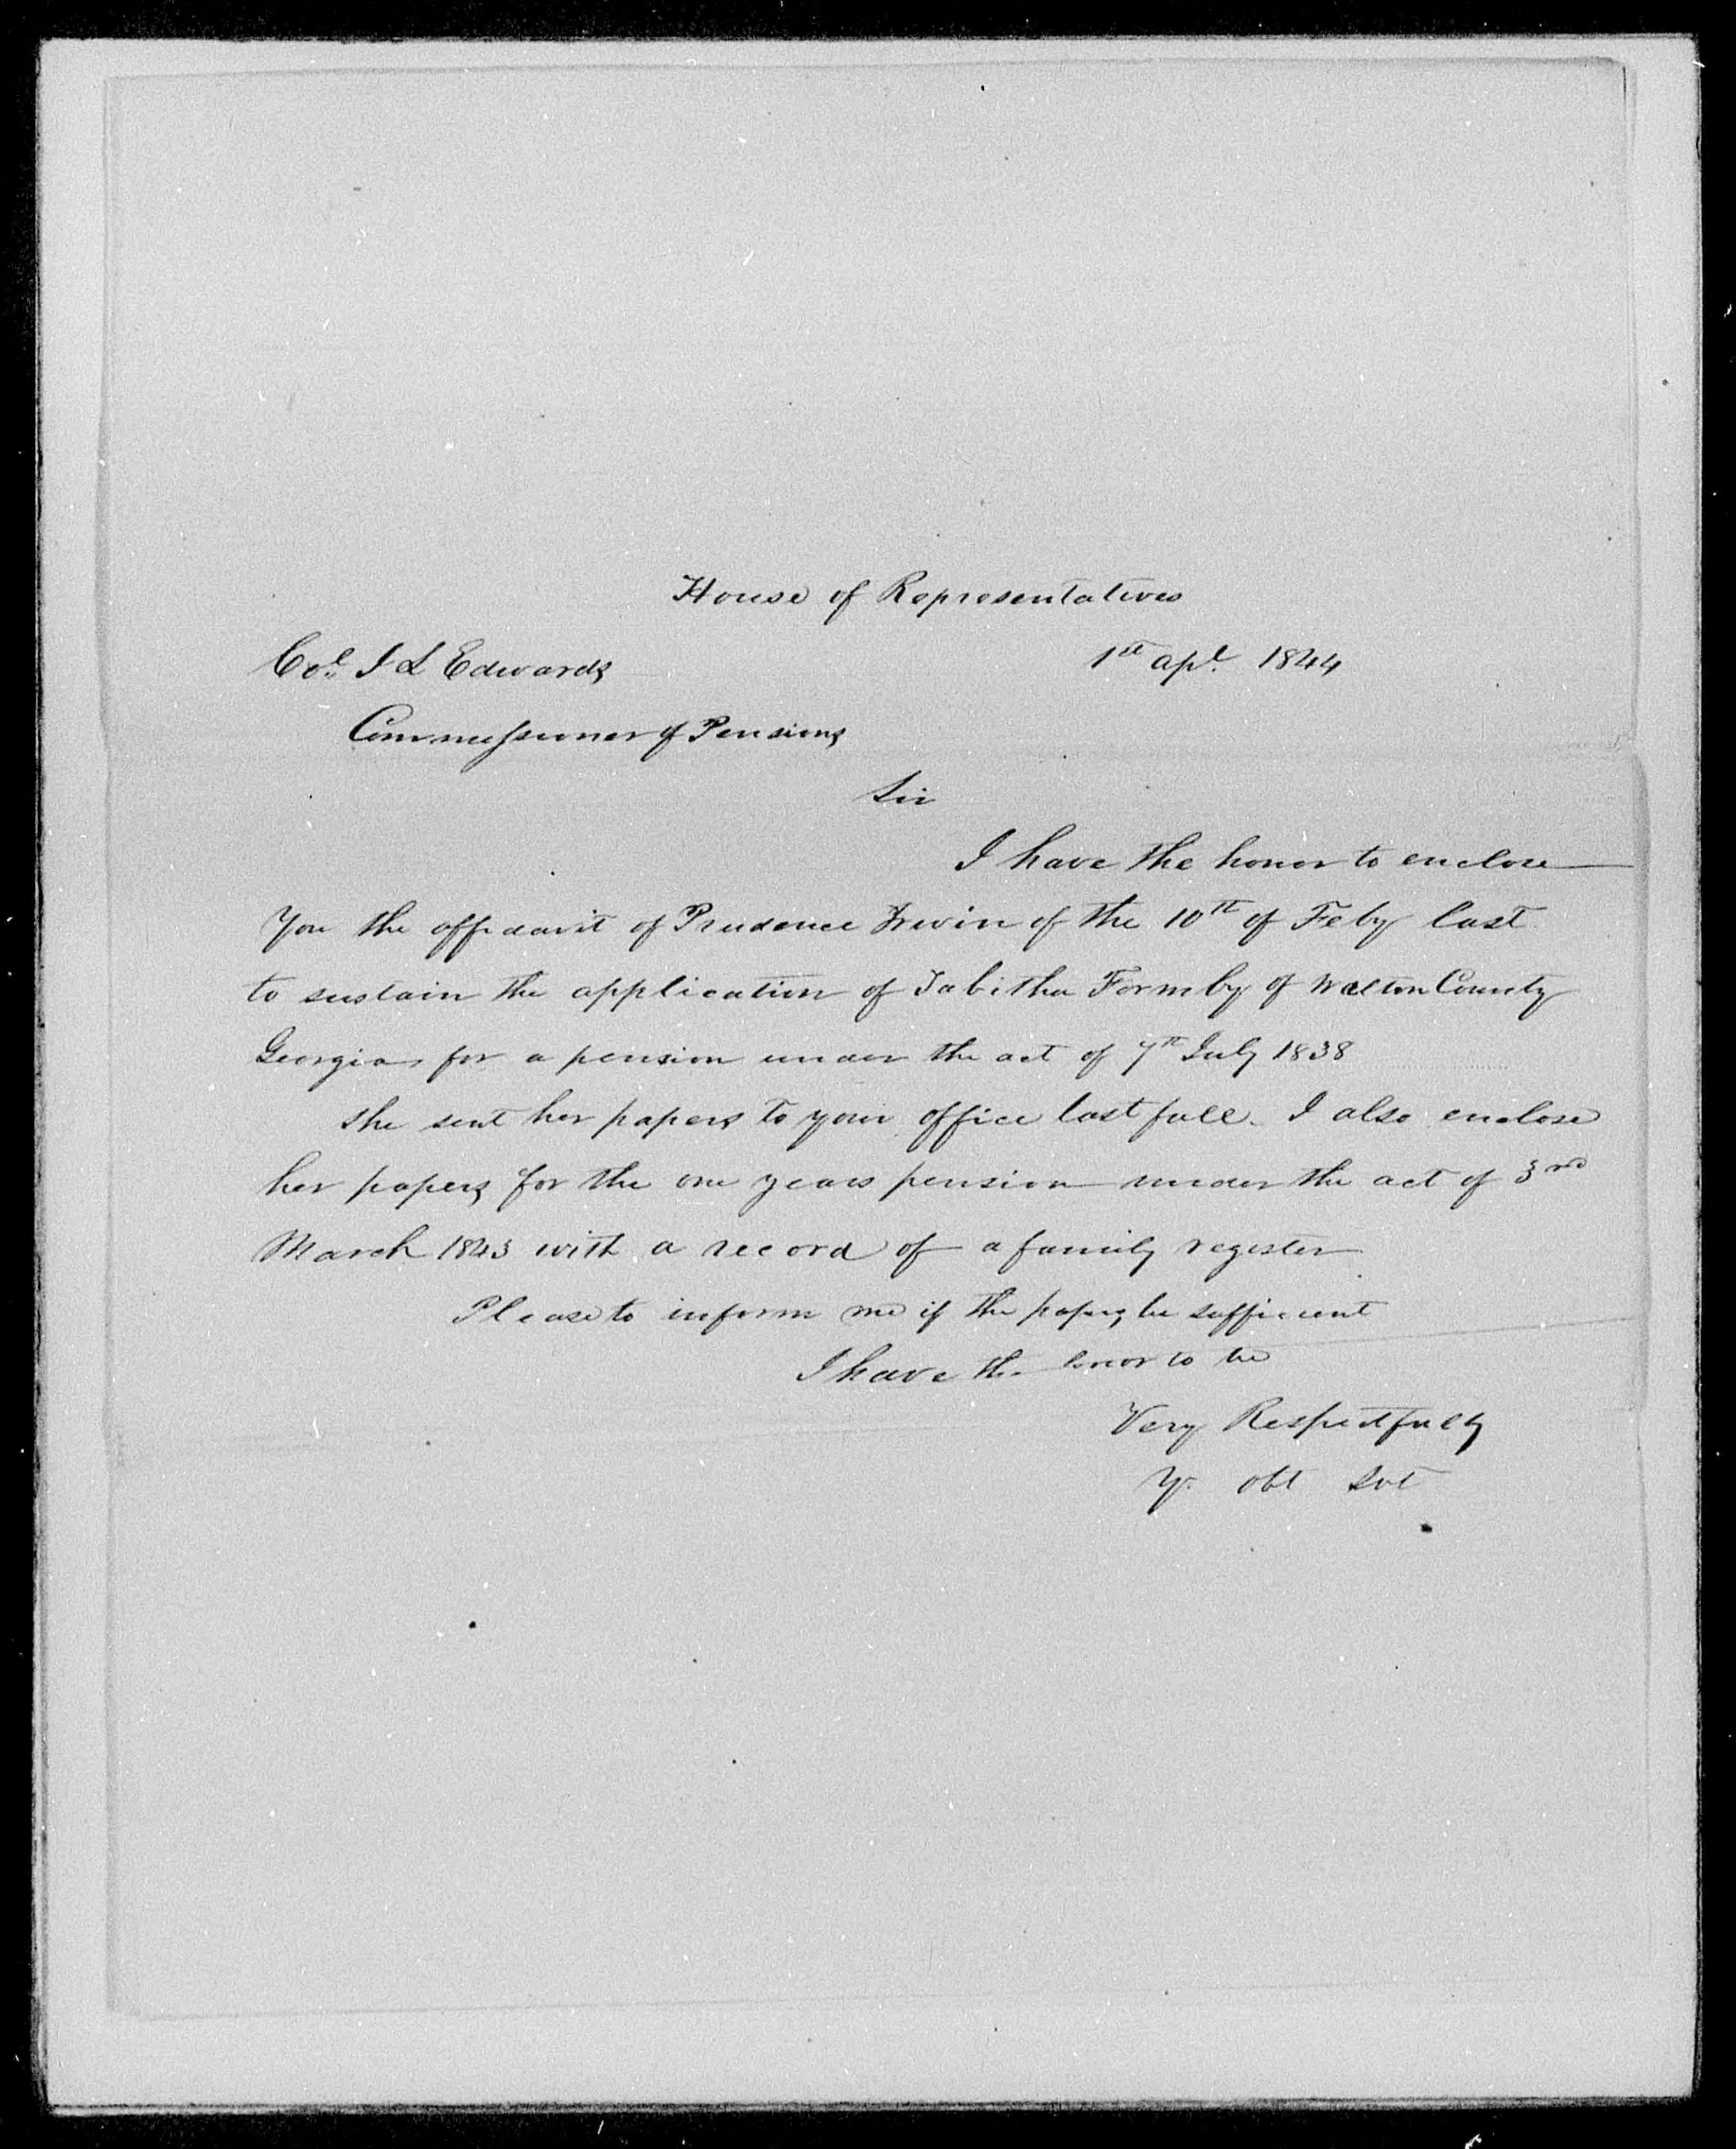House of Representatives
1st Apl. 1844

Col. J L Edwards
Commissioner of Pensions

Sir
I have the honor to enclose you the affidavit of Prudence Irwin of the 10th of Feby last to sustain the application of Tabitha Formby of Walton County Georgia for a pension under the act of 7th July 1838

she sent her papers to your office last fall. I also enclose her papers for the one years pension under the act of 3rd March 1843 with a record of a family register

Please to inform me if the papers be sufficient

I have the honor to be
Very Respectfully
Yr. obt svt
[unsigned]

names: J L Edwards, Prudence Irwin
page: 27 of 54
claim: widow's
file: W. 3794, Nathan Formby, Va.